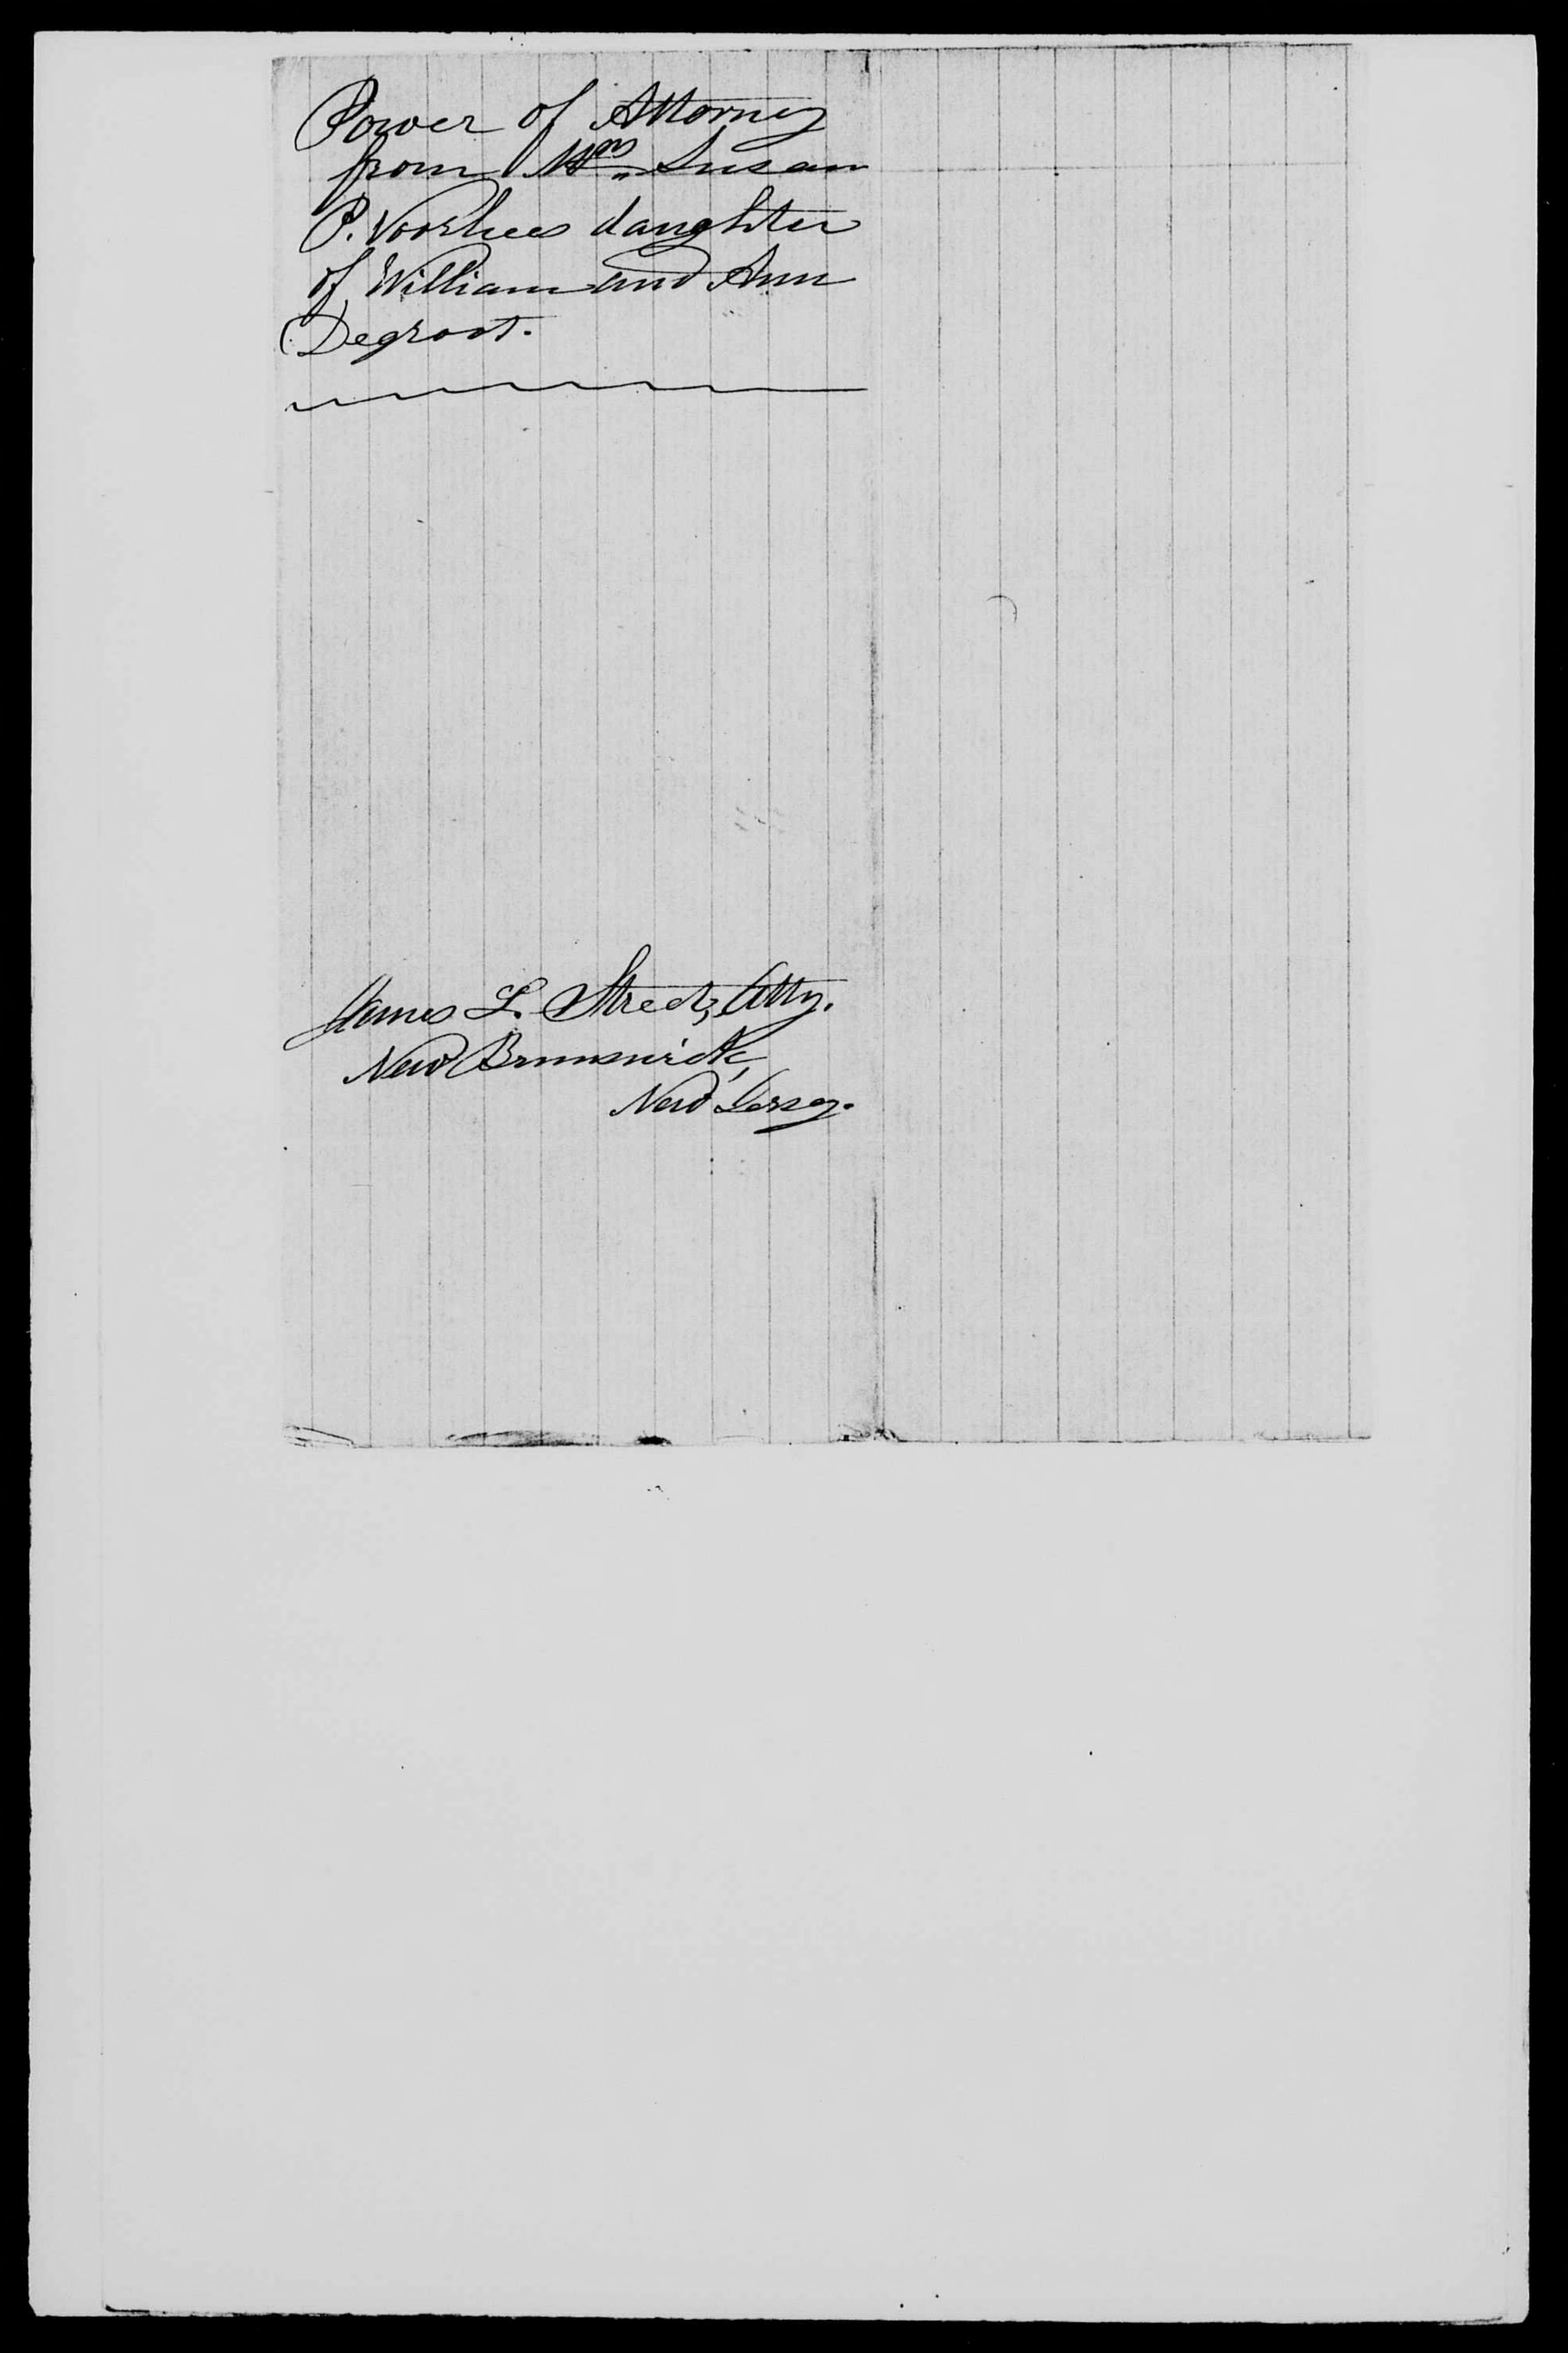Power of Attorney
from Hon. Susan P. Voorhees 
daughter of William and Ann 
Degroot.
----------------------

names: William Degroot, James L Street, Susan P Voorhees, Ann Degroot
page: 69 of 77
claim: widow's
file: W. 417, William De Groot, New Jersey